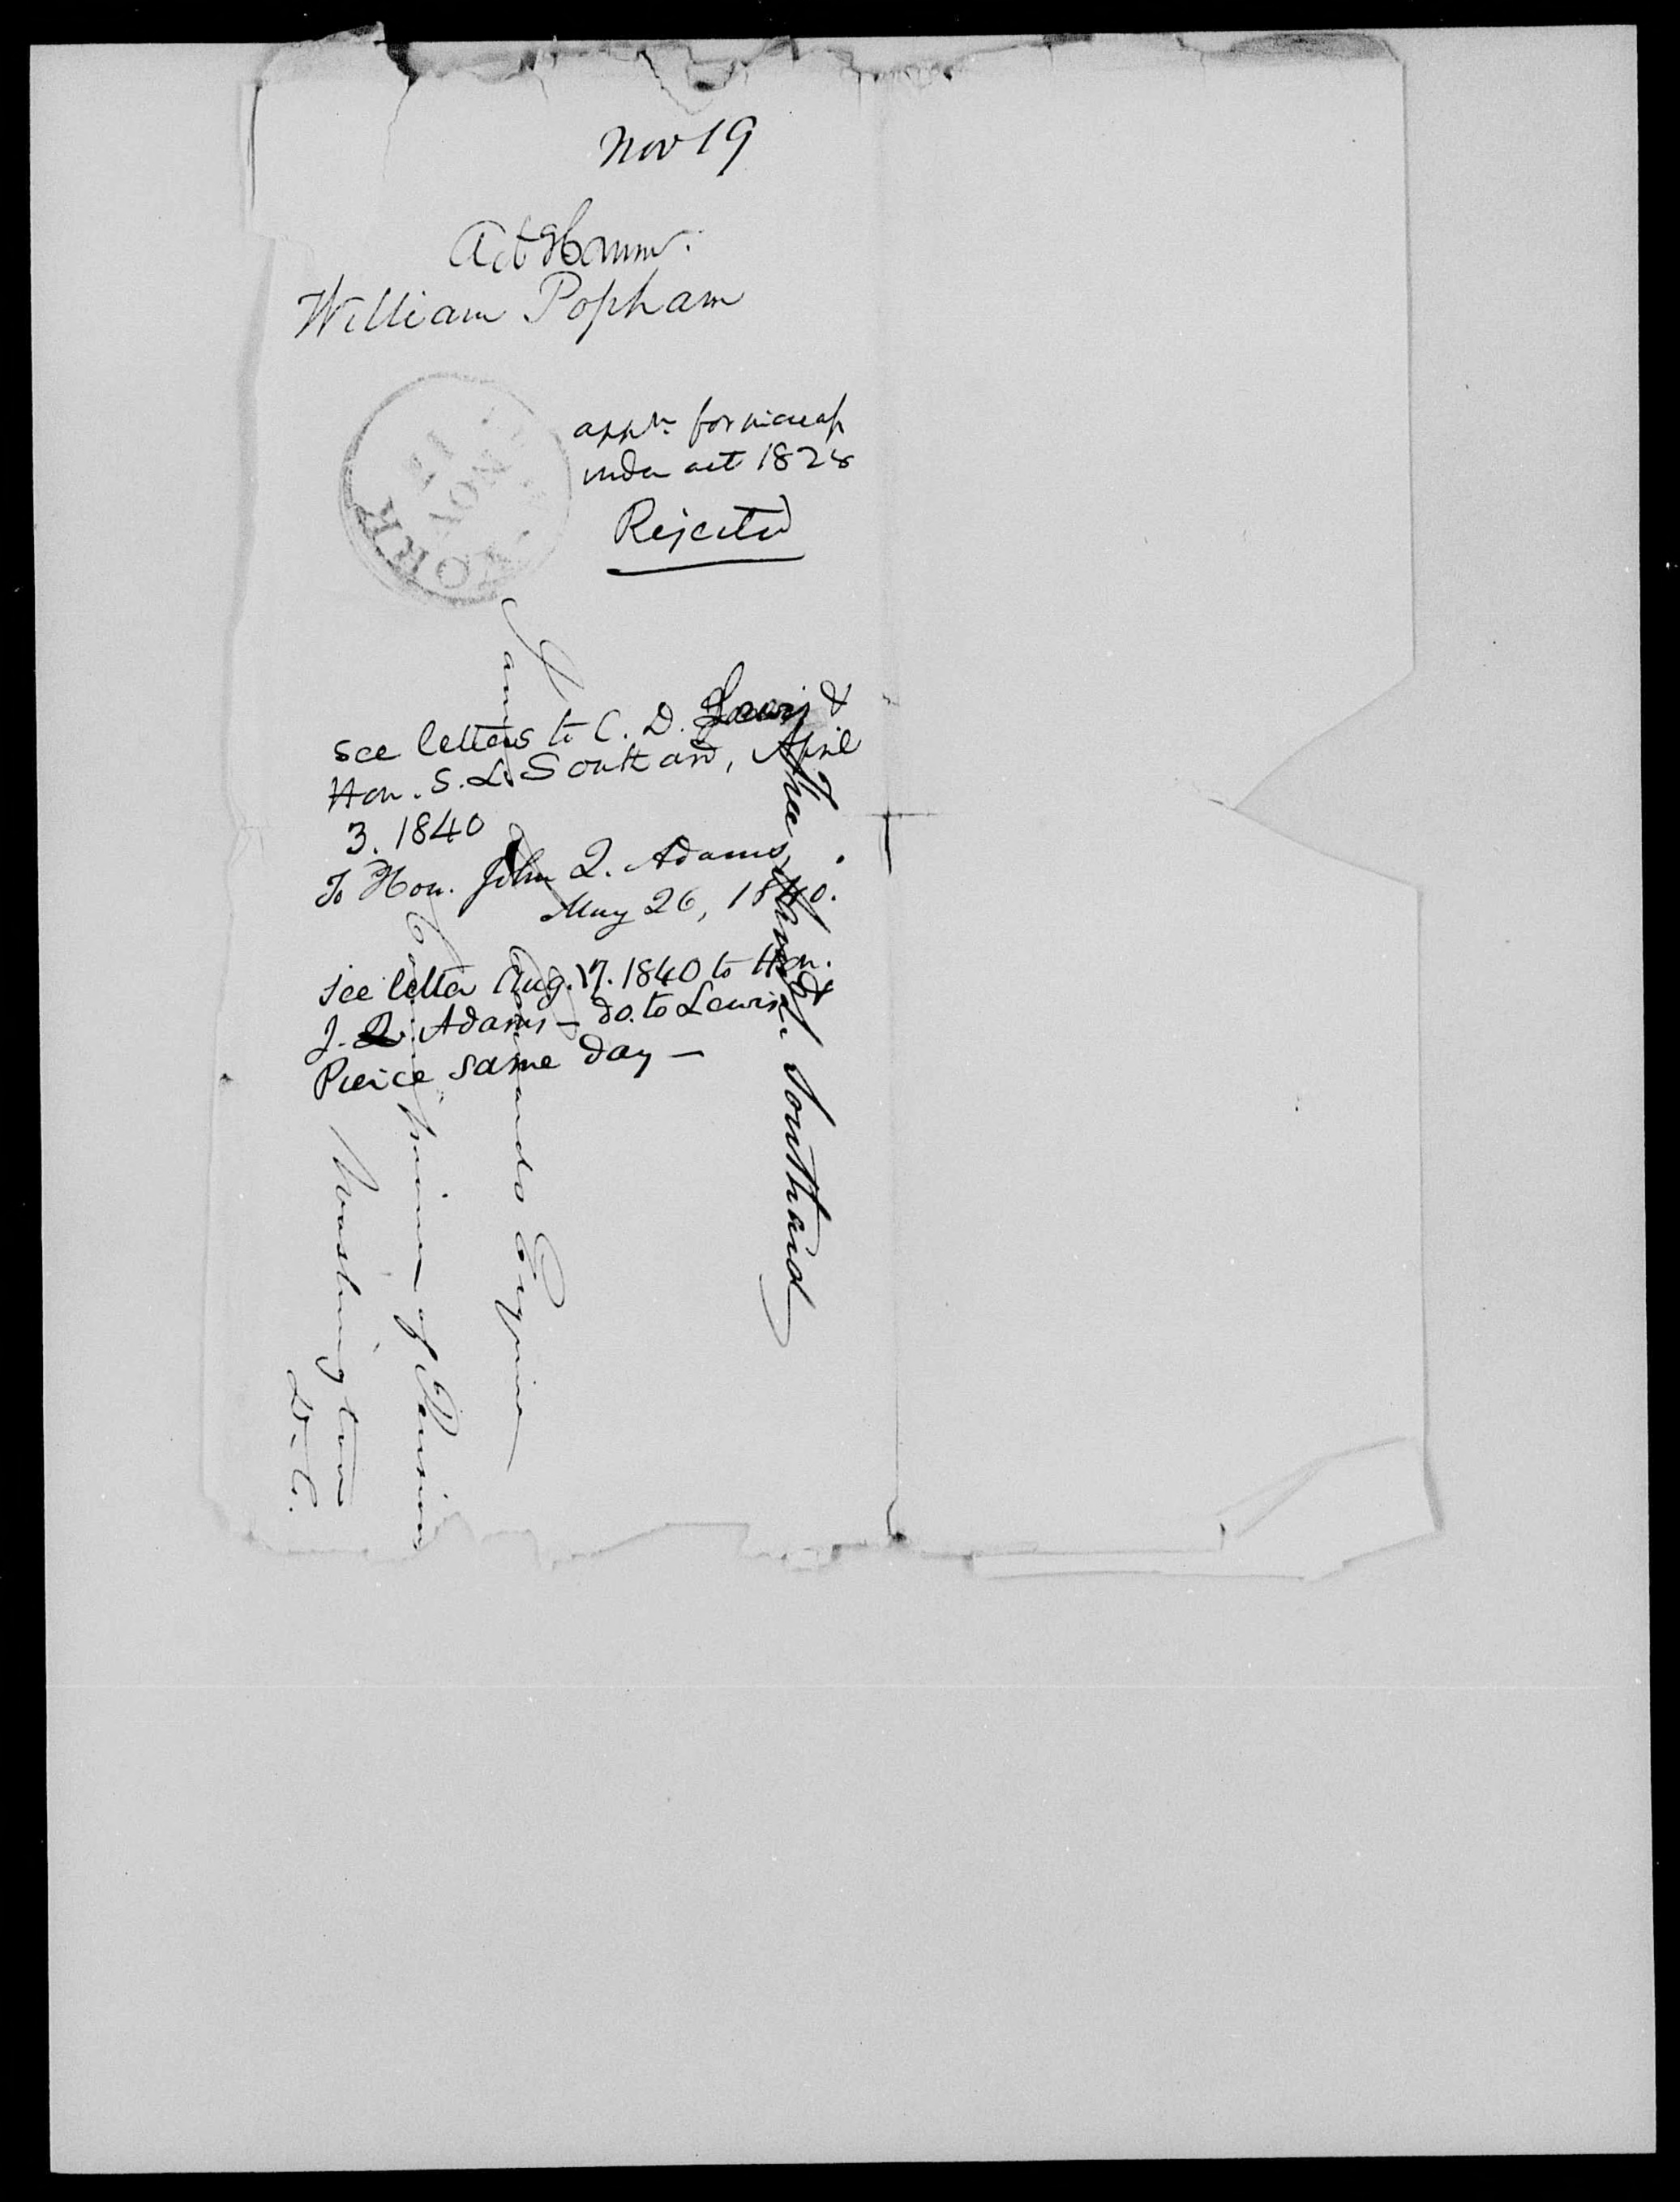Nov 19
Act of Conn
William Popham
appt for increas
under act 1828
Rejected
[Black Stamp] NEW YORK NOV 17

sce letters to C.D. [illegible]
Hon. S. L. Southard, April
3. 1840
To Hon. John Q. Adams
May 26, 1840.
see letter Aug. 17. 1840 to the
J. Q. Adams do. to Lewis 
Pierce same day
Free David de Southland

John Q Adams Esquire
Commissioner of Pensions
Washington D.C.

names: S L Southand; John Q Adams; William Popham; C D Lewis; James L Edwards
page: 8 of 75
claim: survivor's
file: S. 9989, for William Popham, Delaware